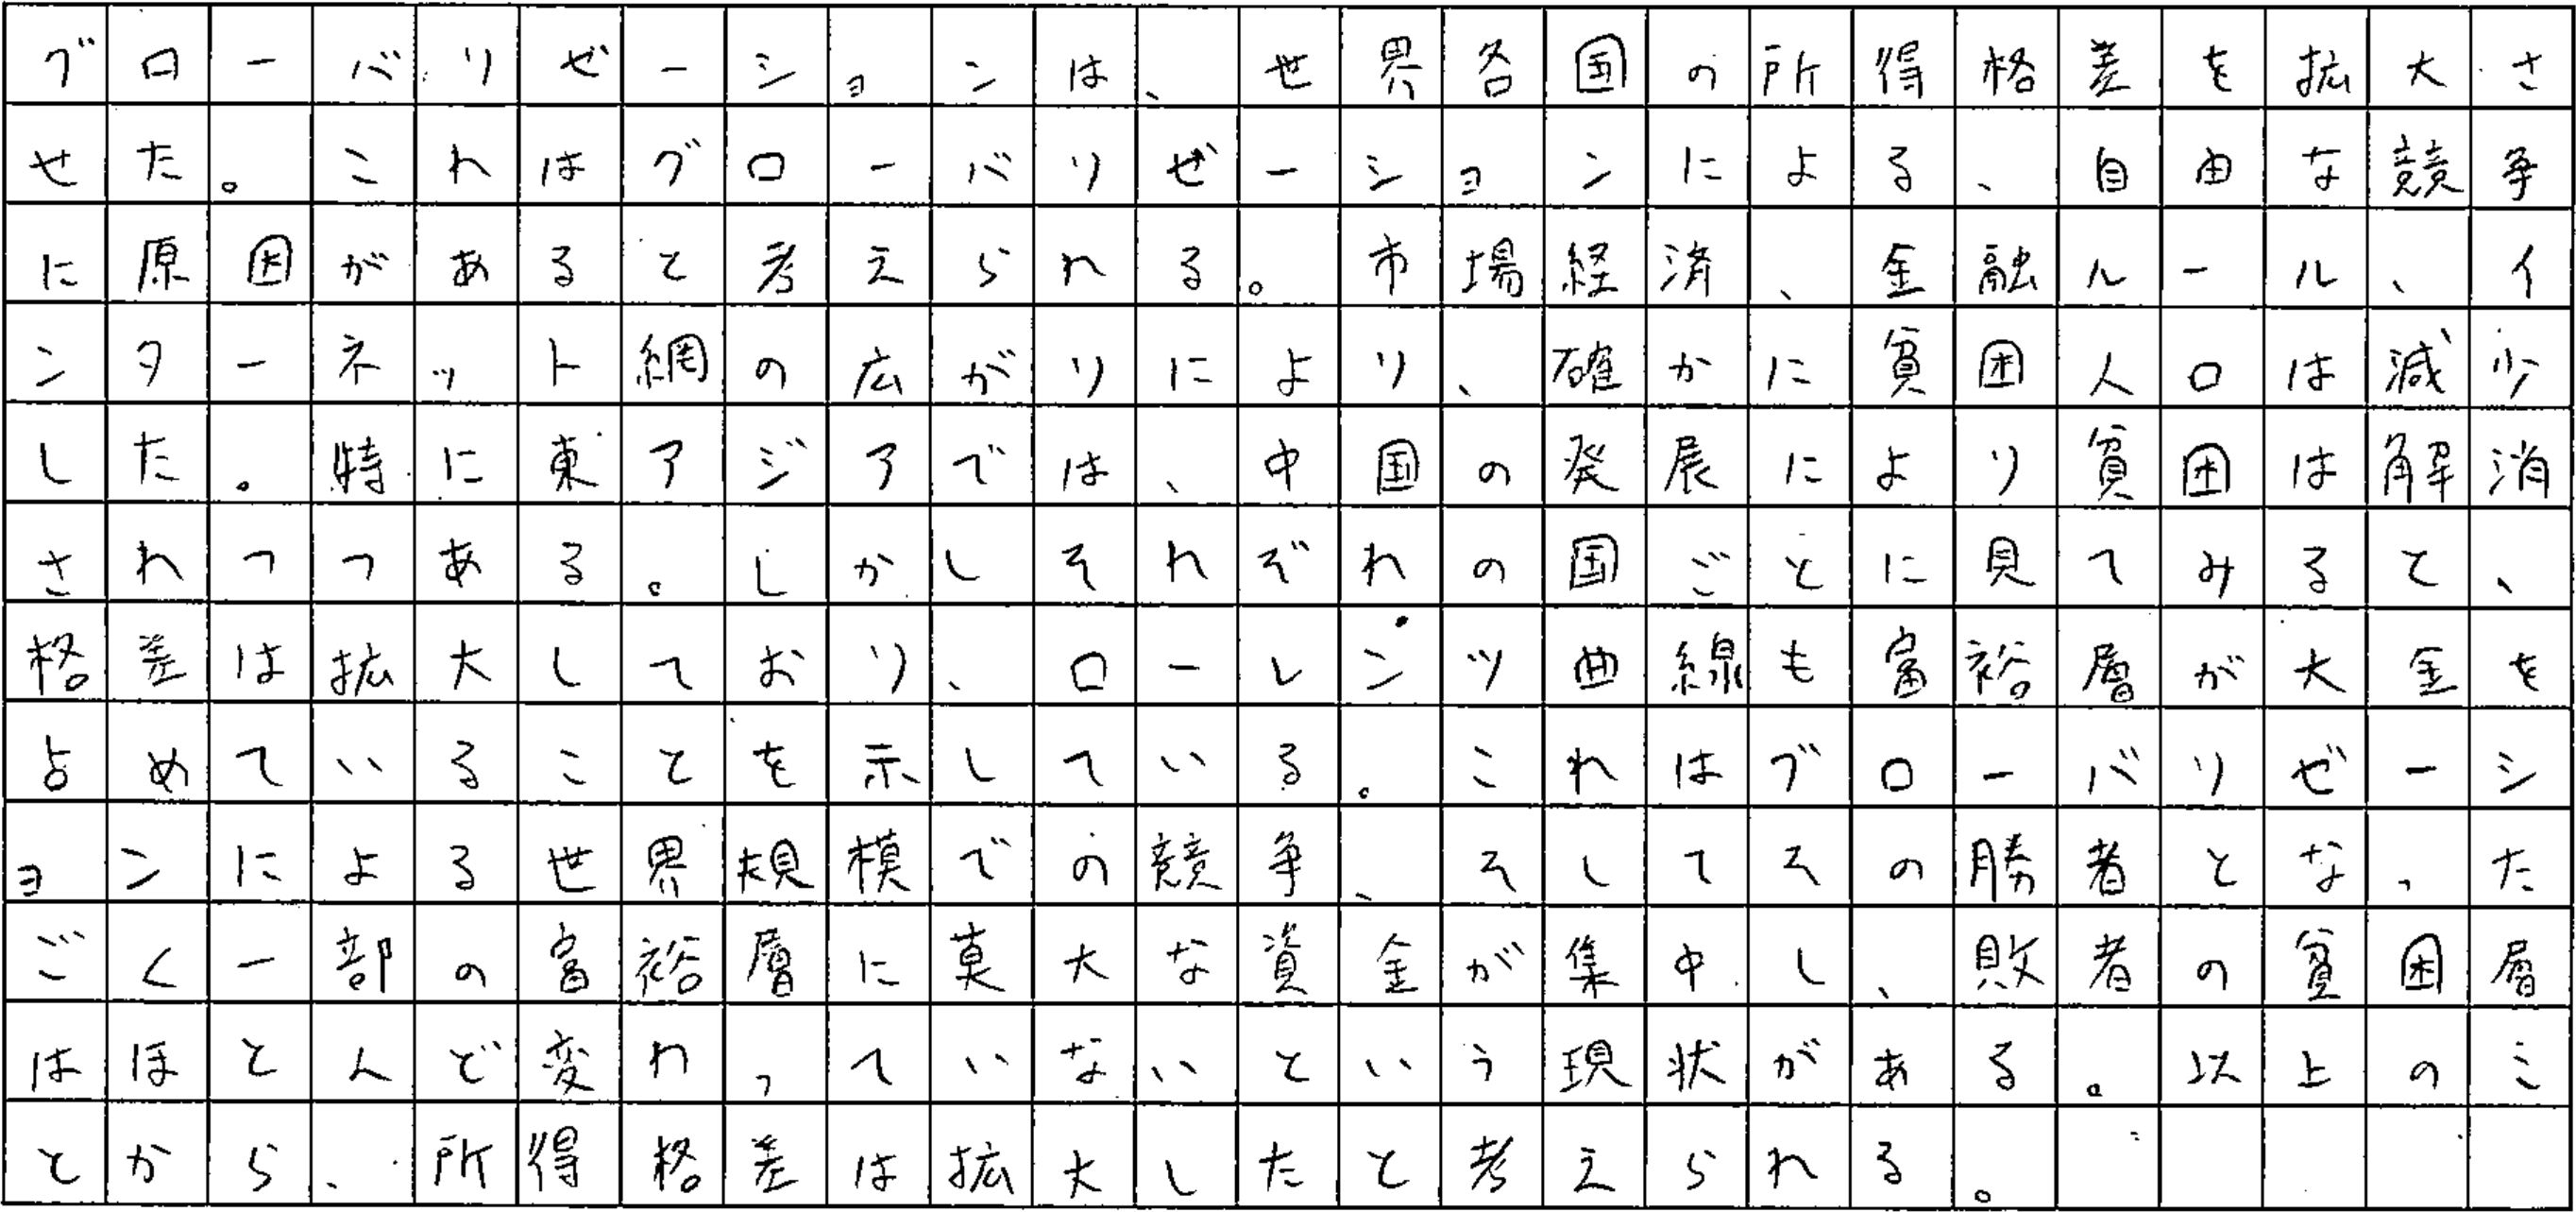グローバリゼーションは、世界各国の所得格差を拡大させた。これはグローバリゼーションによる、自由な競争に原因があると考えられる。市場経済、金融ルール、インターネット網の広がりにより、確かに貧困人口は減少した。特に東アジアでは、中国の発展により貧困は解消されつつある。しかしそれぞれの国ごとに見てみると、格差は拡大しており、ローレンツ曲線も富裕層が大金を占めていることを示している。これはグローバリゼーションによる世界規模での競争、そしてその勝者となったごく一部の富裕層に莫大な資金が集中し、敗者の貧困層はほとんど変わっていないという現状がある。以上のことから、所得格差は拡大したと考えられる。
